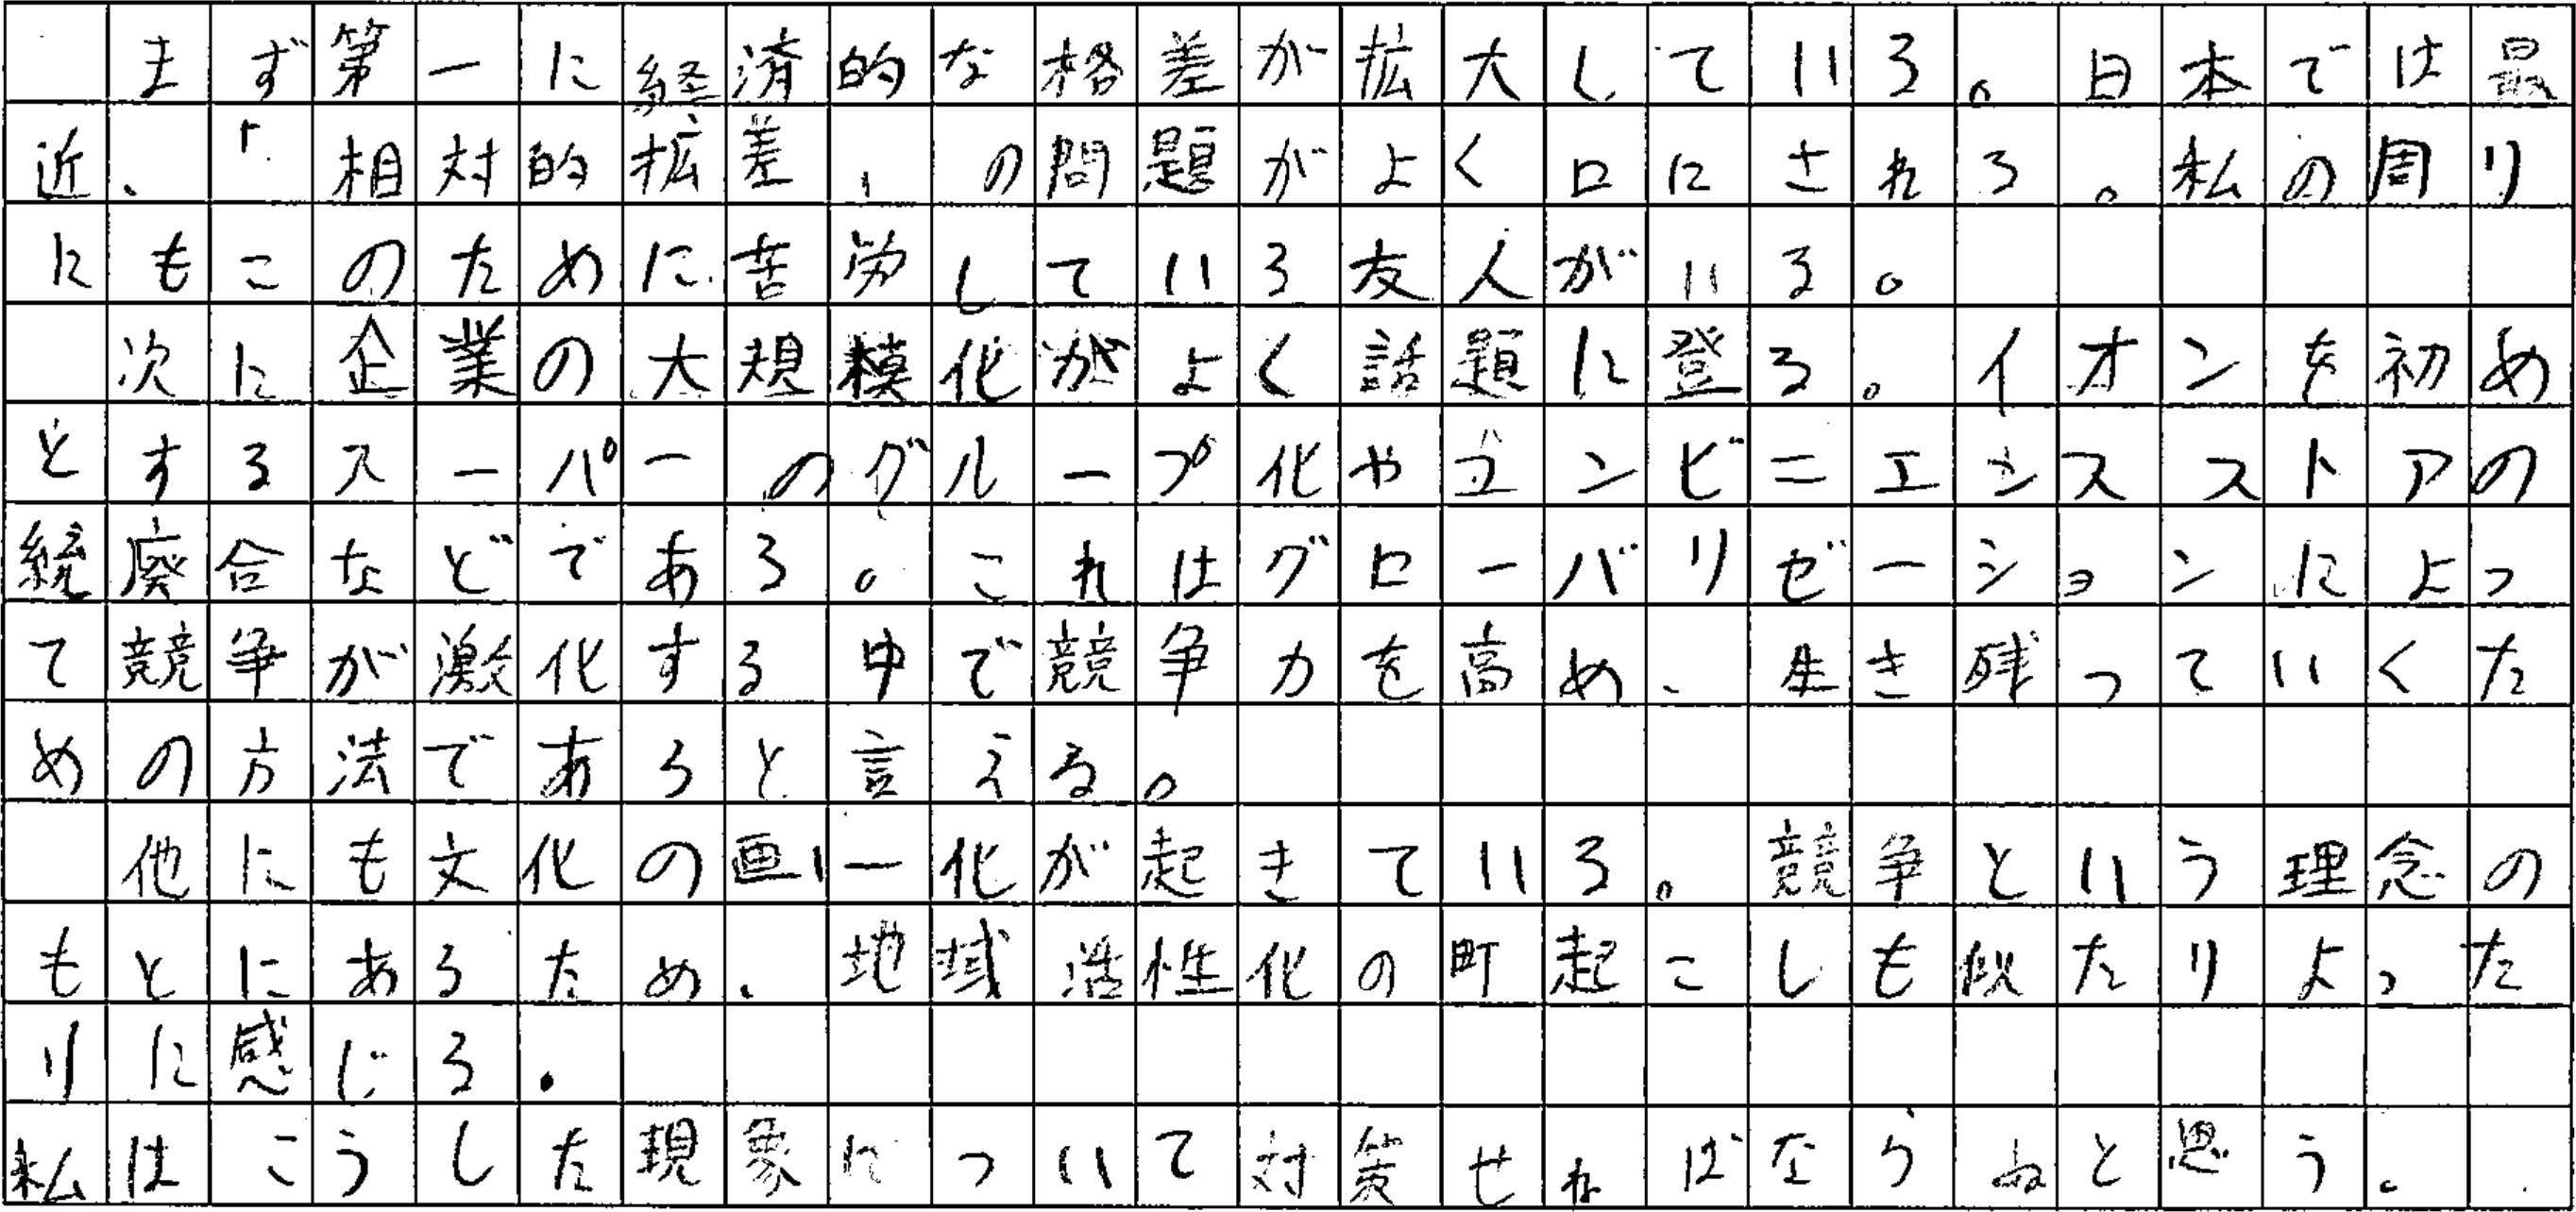　まず第一に経済的な格差が拡大している。日本では最近、「相対的拡差」の問題がよく口にされる。私の周りにもこのために苦労している友人がいる。
　次に企業の大規模化がよく話題に登る。イオンを▁めとするスーパーのグループ化やコンビニエンスストアの統廃合などである。これはグローバリゼーションによって競争が激化する中で競争力を高め、生き残っていくための方法であると言える。
　他にも文化の画一化が起きている。競争という理念のもとにあるため、地域活性化の町起こしも似たりよったりに感じる。
私はこうした現象について対策せねばならぬと思う。
